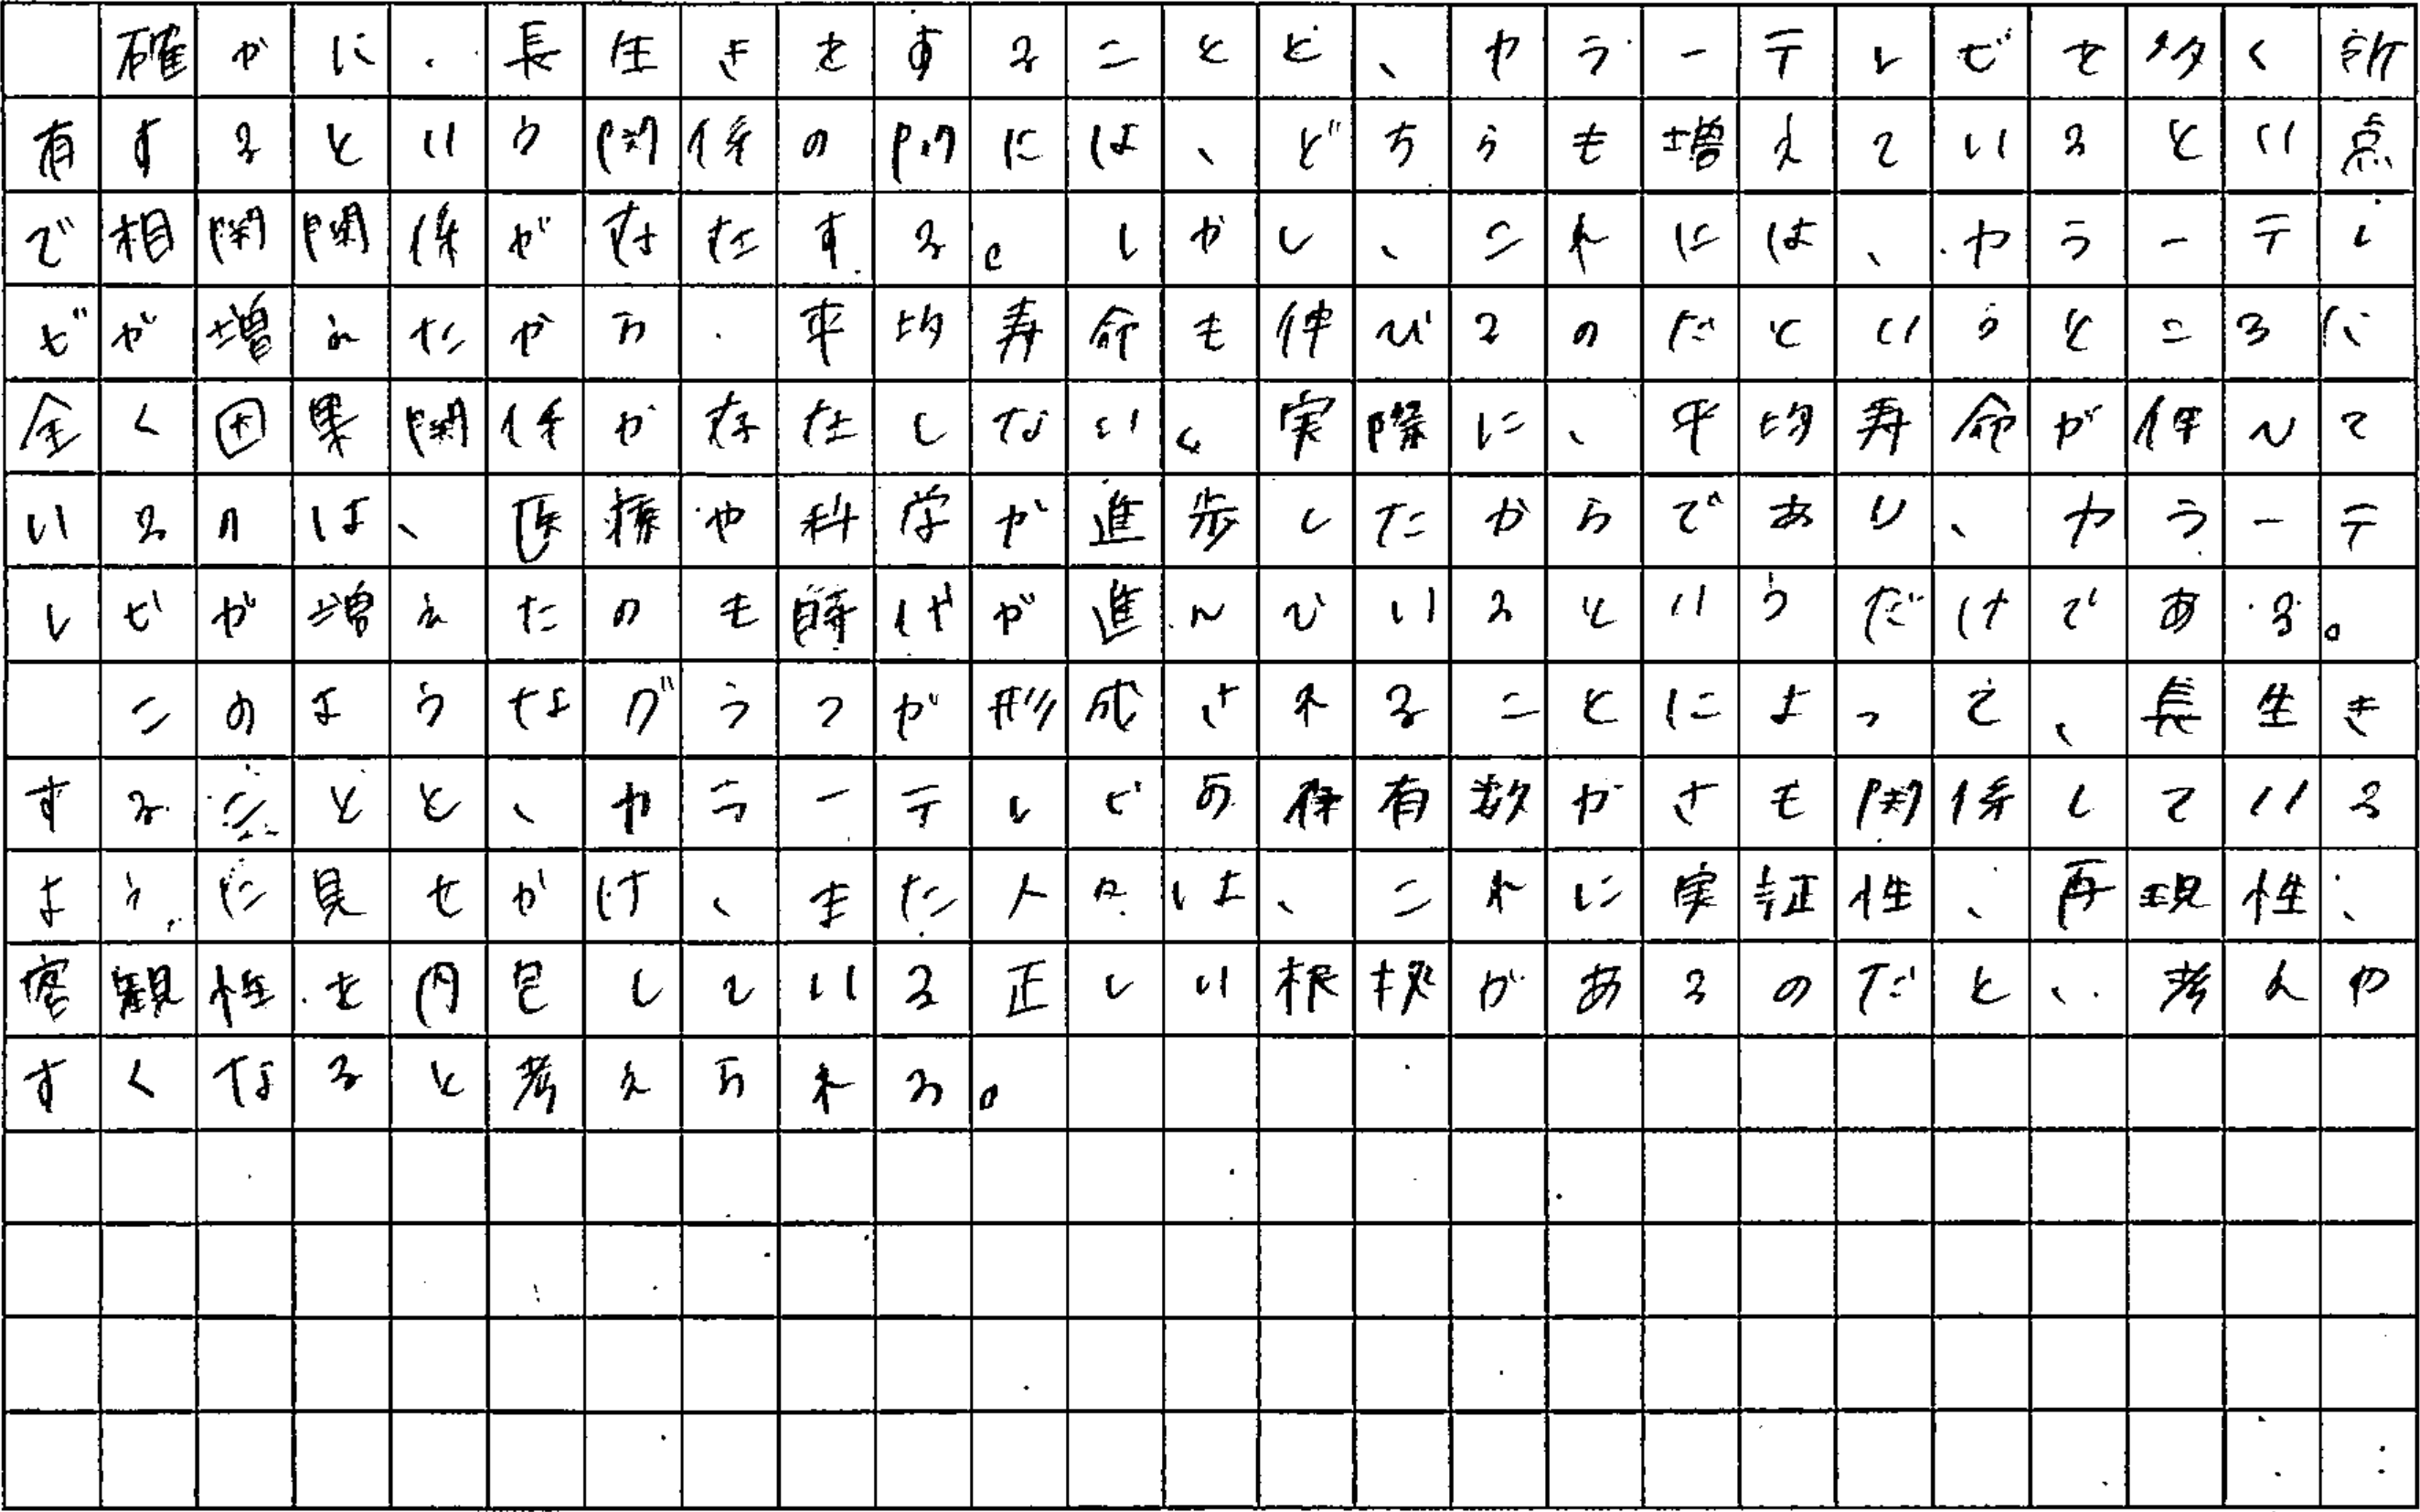　確かに、長生きをすることと、カラーテレビを多く所有するという関係の間には、どちらも増えているとい点で相関関係が存在する。しかし、これには、カラーテレビが増えたから　平均寿命も伸びるのだというところに全く因果関係が存在しない。実際に、平均寿命が伸びているのは、医療や科学が進歩したからであり、カラーテレビが増えたのも時代が進んでいるというだけである。
　このようなグラフが形成されることによって、長生きすることと、カラーテレビの所有数がさも関係しているように見せかけ、また人々は、これに実証性、再現性、客観性を内包している正しい根拠があるのだと、考えやすくなると考えられる。
